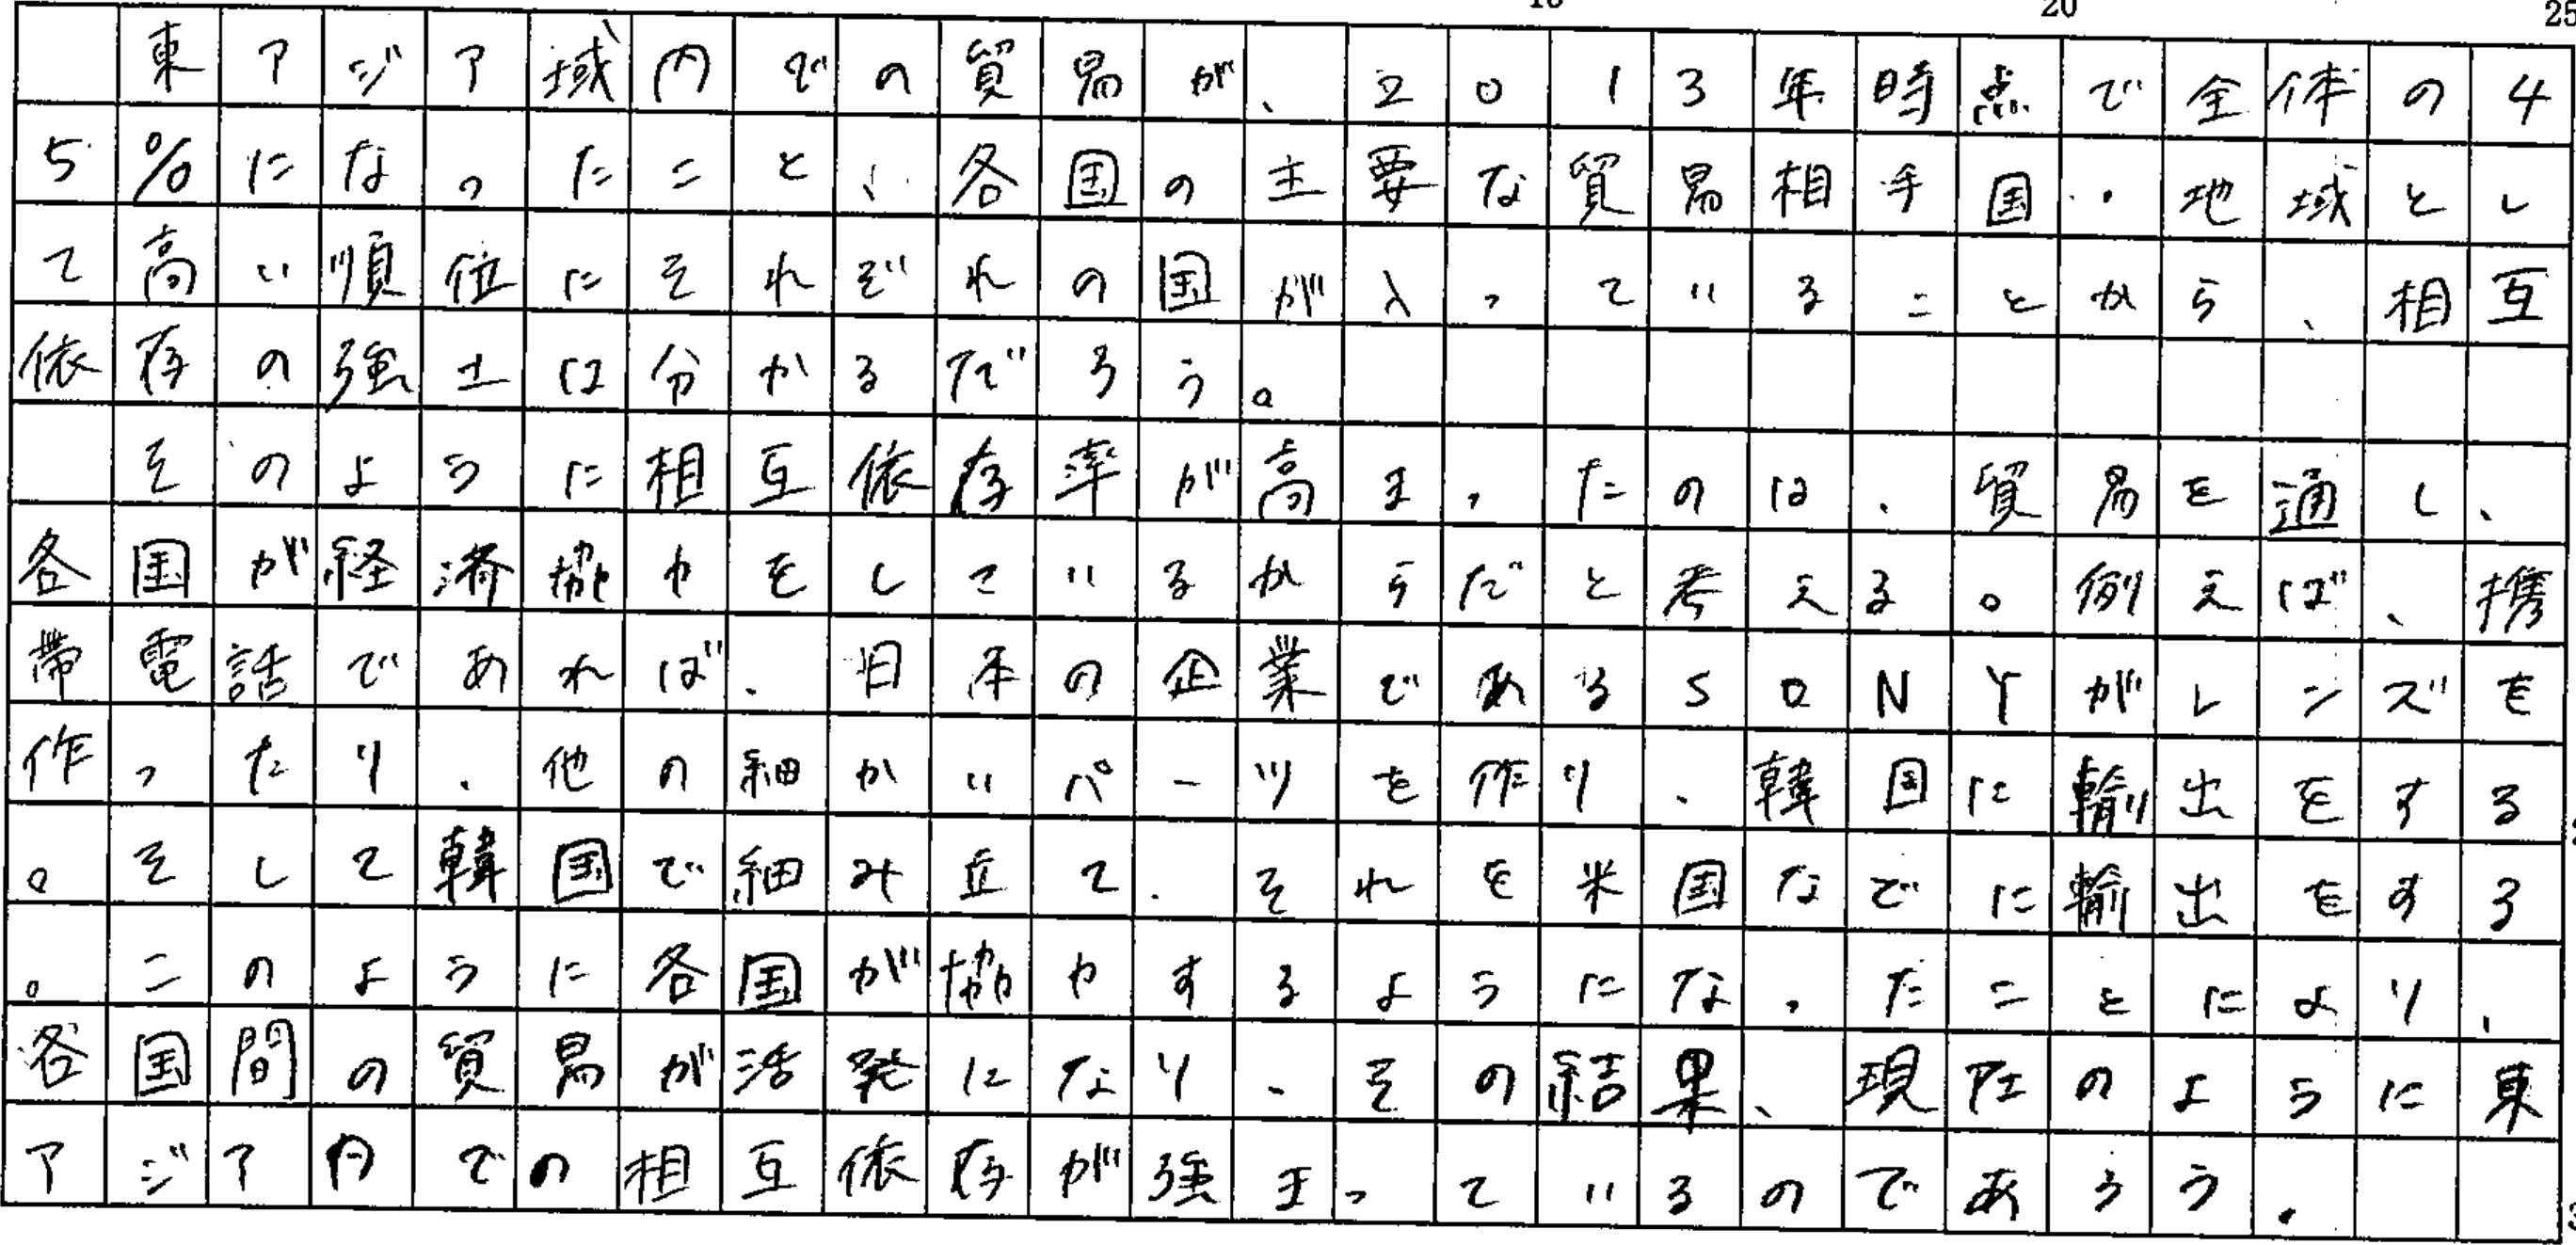　東アジア域内での貿易が、２０１３年時点で全体の４５％になったこと、各国の主要な貿易相手国・地域として高い順位にそれぞれの国が入っていることから、相互依存の強さは分かるだろう。
　そのように相互依存率が高まったのは、貿易を通し、各国が経済協力をしているからだと考える。例えば、携帯電話であれば、日本の企業であるＳＯＮＹがレンズを作ったり、他の細かいパーツを作り、韓国に輸出をする。そして韓国で細み立て、それを米国などに輸出をする。このように各国が協力するようになったことにより、各国間の貿易が活発になり、この結果、現在のように東アジア内での相互依存が強まっているのであろう。
